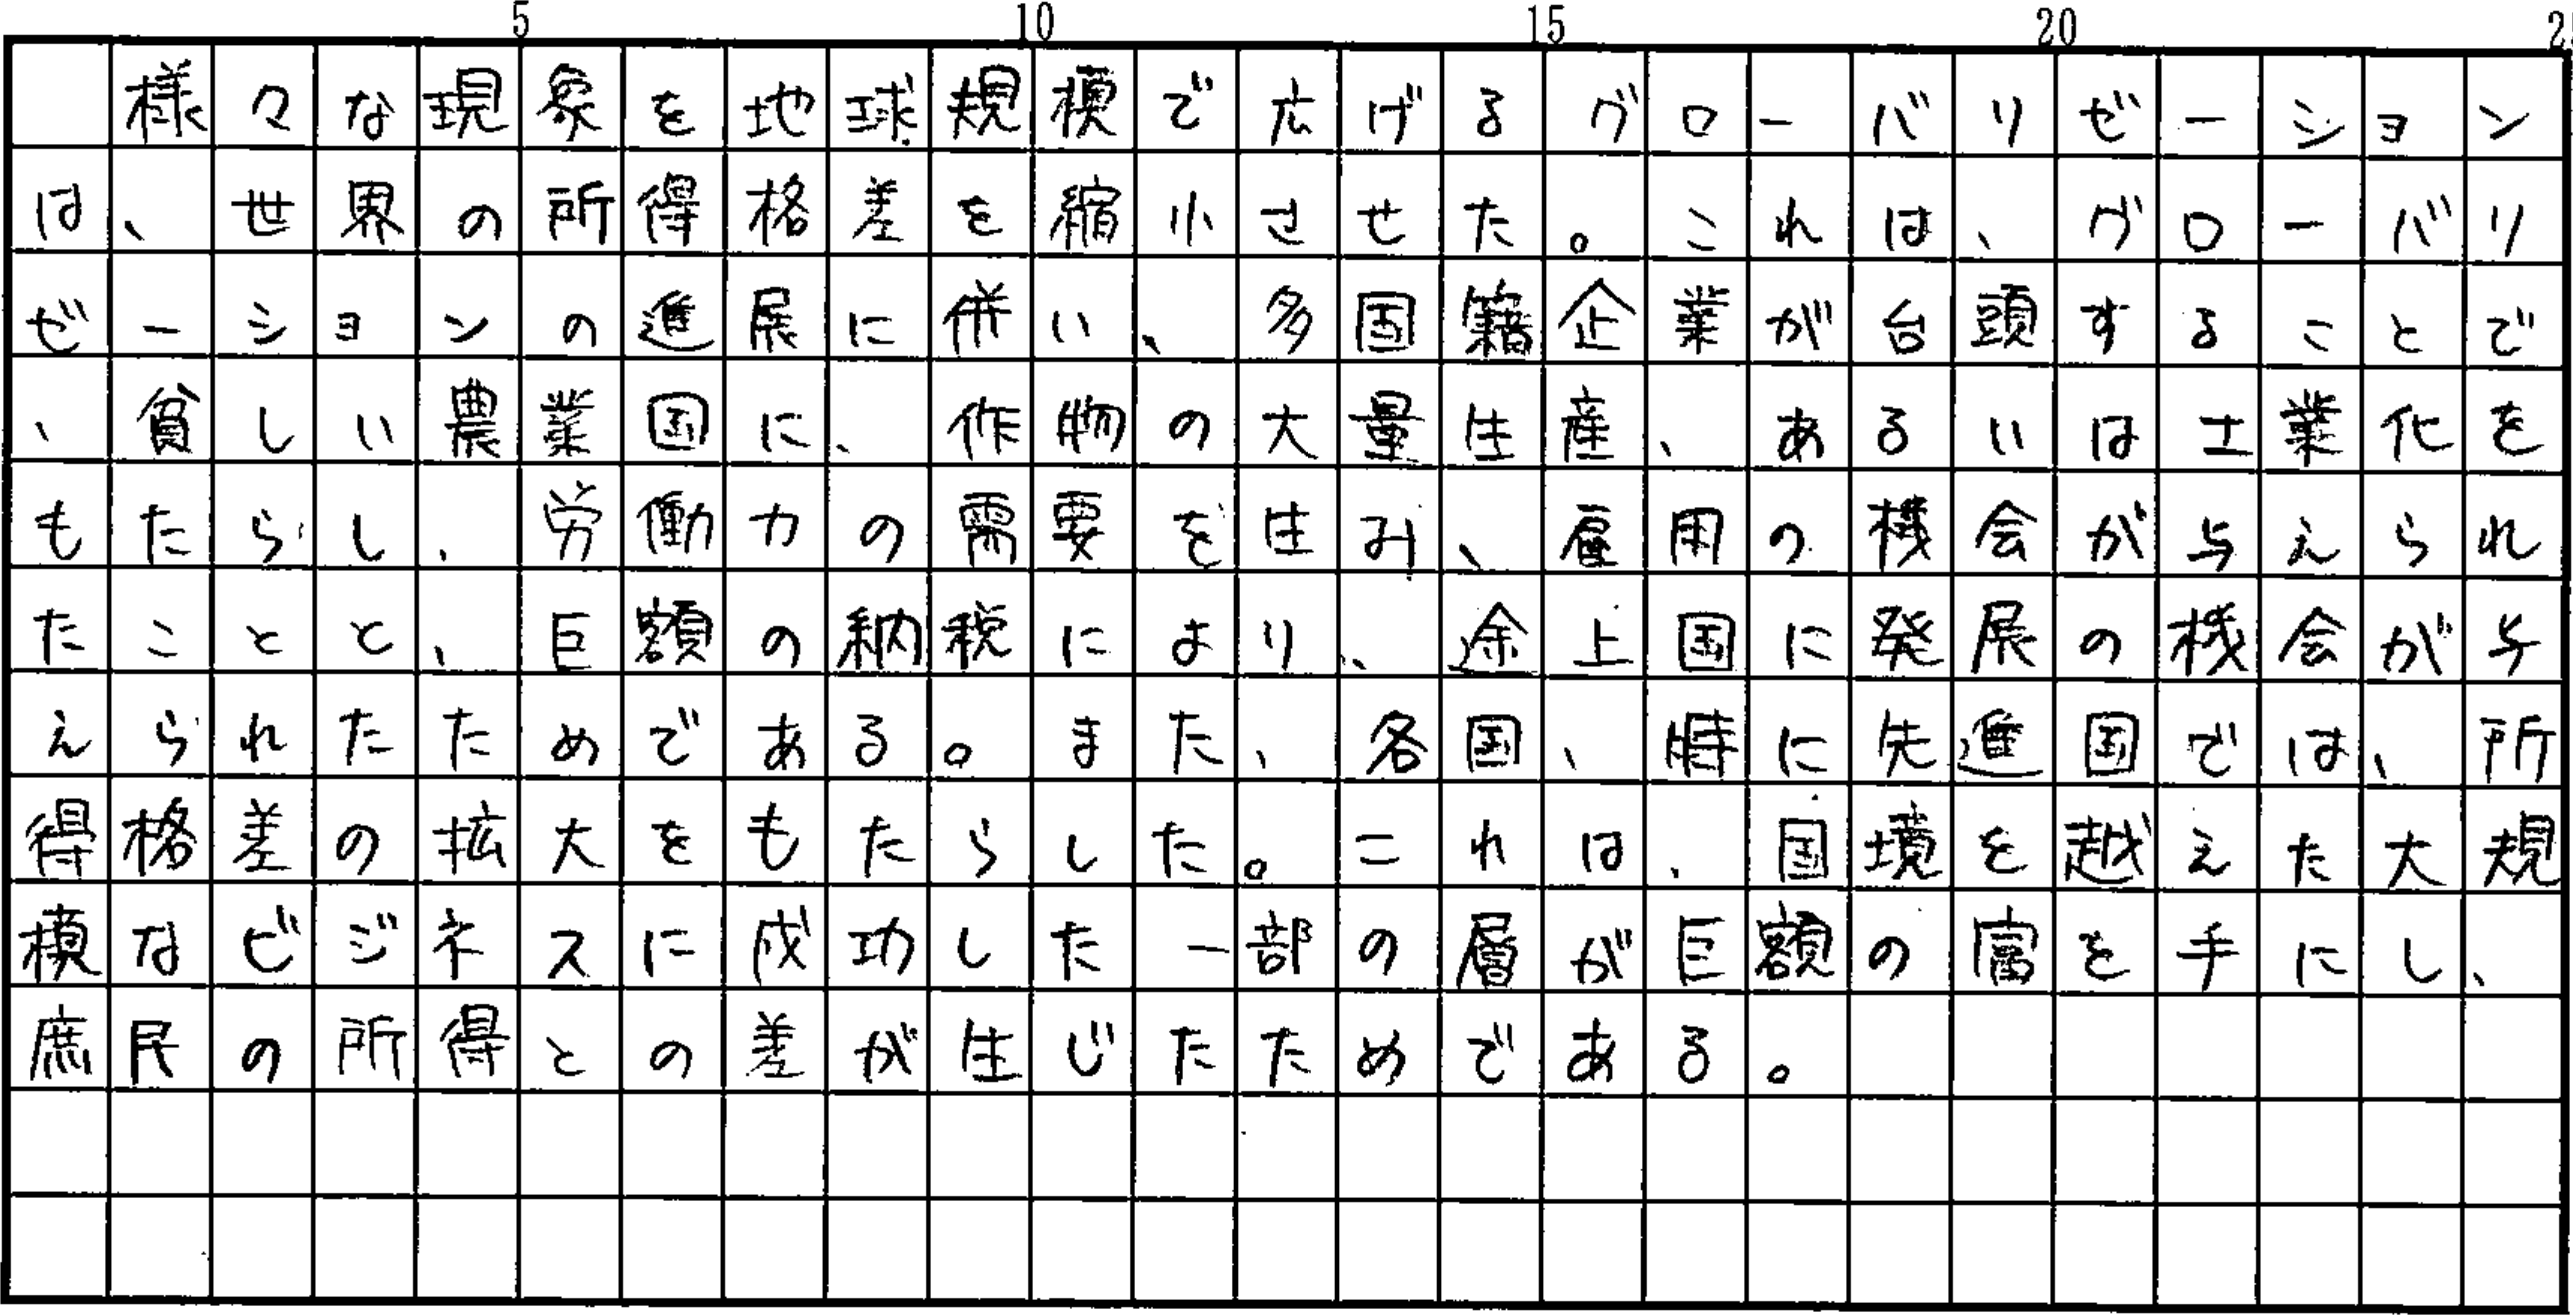　様々な現象を地球規模で広げるグローバリゼーションは、世界の所得格差を縮小させた。これは、グローバリゼーションの進展に併い、多国籍企業が台頭することで、貧しい農業国に、作物の大量生産、あるいは工業化をもたらし、労働力の需要を生み、雇用の機会が与えられたことと、巨額の納税により、途上国に発展の機会が与えられたためである。また、各国、特に先進国では、所得格差の拡大をもたらした。これは、国境を越えた大規模なビジネスに成功した一部の層が巨額の富を手にし、庶民の所得との差が生じたためである。
